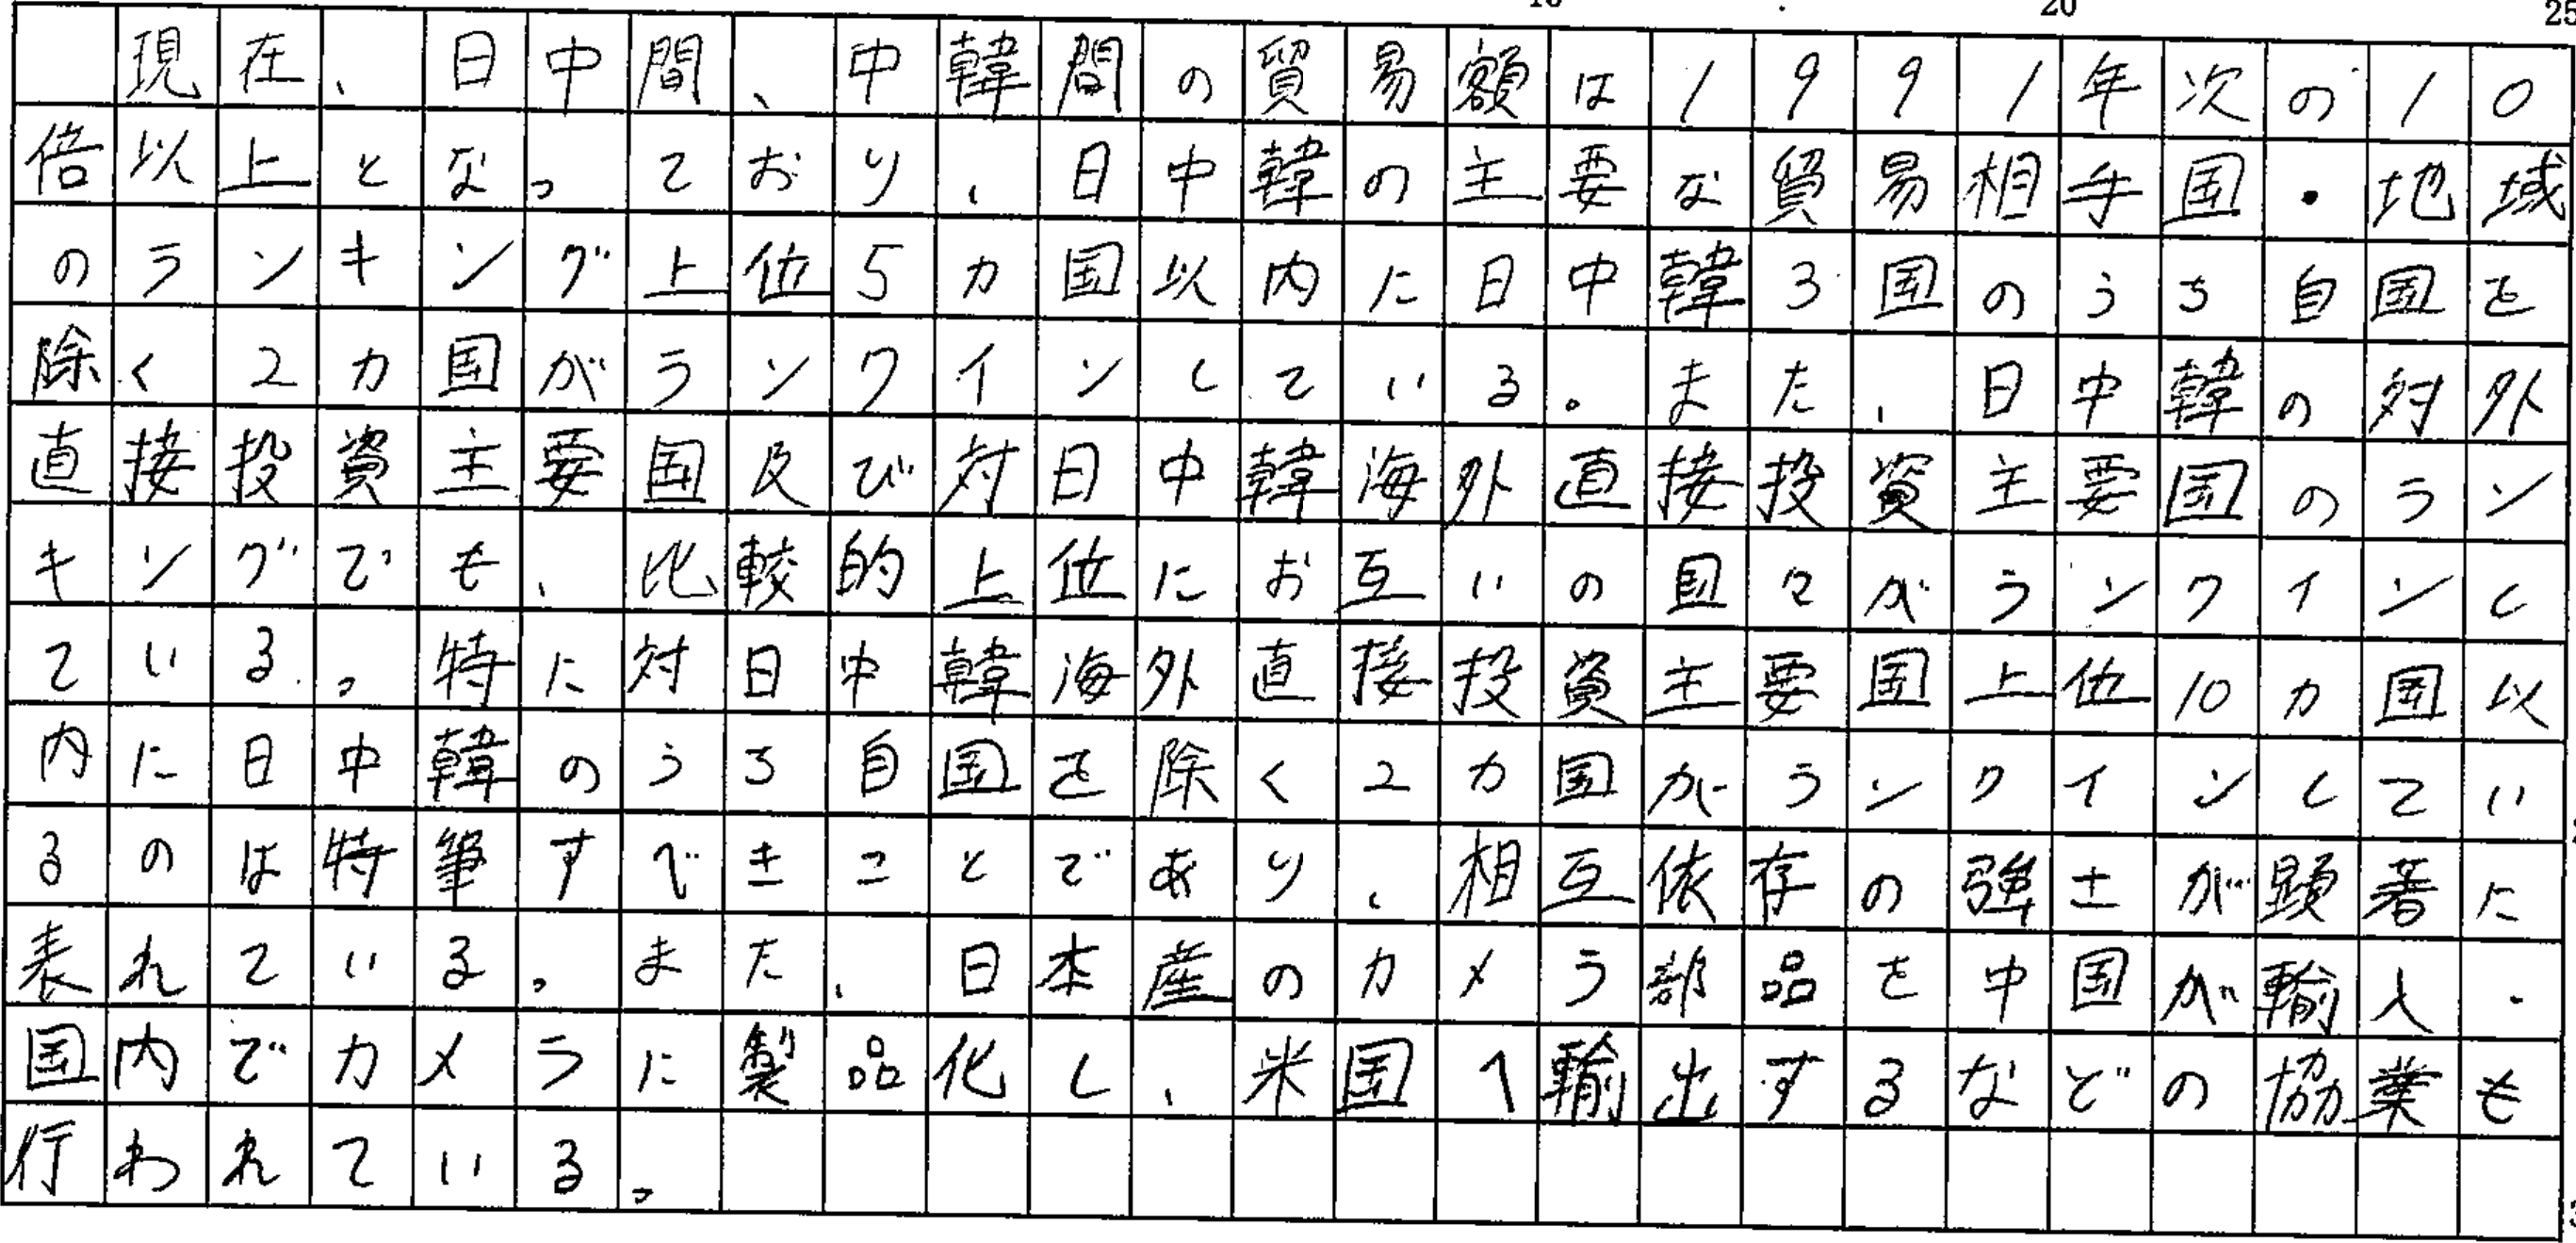　現在、日中間、中韓間の貿易額は１９９１年次の１０倍以上となっており、日中韓の主要な貿易相手国・地域のランキング上位５ヵ国以内に日中韓３国のうち自国を除く２ヵ国がランクインしている。また、日中韓の対外直接投資主要国及び対日中韓海外直接投資主要国のランキングでも、比較的上位にお互いの国々がランクインしている。特に対日中韓海外直接投資主要国上位10ヵ国以内に日中韓のうち自国を除く２ヵ国がランクインしているのは特筆すべきことであり、相互依存の強さが顕著に表れている。また、日本産のカメラ部品を中国が輸入・国内でカメラに製品化し、米国へ輸出するなどの協業も行われている。
